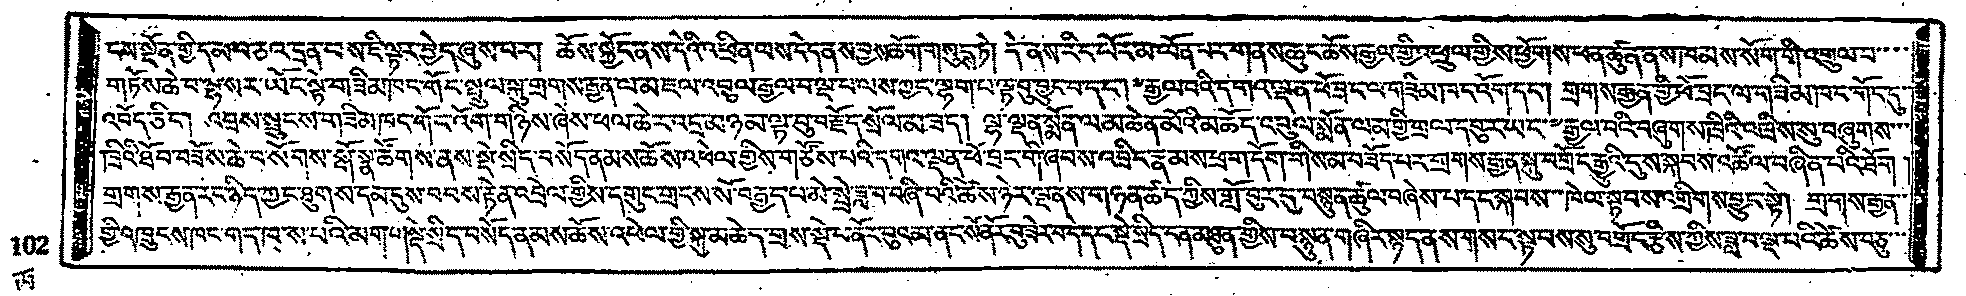ངས་སྔོན་གྱི་དམ་བཅའ་དྲན་པས་ཇི་ལྟར་བྱེད་ཞུས་པར། ཆོས་སྐྱོང་ནས་དེའི་འཕྲིན་ལས་ངེད་ནས་བྱས་ཆོག་གསུངས་ཏེ། དེ་ནས་རིང་པོར་མ་ལོན་པར་གནས་ཆུང་ཆོས་རྒྱལ་གྱི་འཕྲུལ་གྱིས་ཕྱོགས་ཕན་ཚུན་ནས་ཁམས་སོག་གི་འགྲུལ་པ་
གཏོས་ཆེ་བ་ལྷ་སར་ཡོང་སྟེ་གཟིམ་ཁང་གོང་སྤྲུལ་སྐུ་གྲགས་རྒྱན་ལ་མཇལ་འབུལ་རྒྱལ་བ་ལྔ་པ་ལས་ཀྱང་ལྷག་པ་ལྟ་བུ་བྱུང་བ་དང་། ༧རྒྱལ་བའི་དགའ་ལྡན་ཕོ་བྲང་ལ་གཟིམ་ཁང་འོག་དང་། གྲགས་རྒྱན་གྱི་ཕོ་བྲང་ལ་གཟིམ་ཁང་གོང་དུ་
འབོད་ཅིང་། འབྲས་སྤུངས་གཟིམ་ཁང་གོང་འོག་གཉིས་ཞེས་ཕལ་ཆེར་འདྲ་མཉམ་ལྟ་བུ་བརྗོད་སྲོལ་མ་ཟད། ལྷ་ལྡན་སྨོན་ལམ་ཆེན་མོའི་མཆོད་འབུལ་སྨོན་ལམ་གྱི་གྲལ་དབུར་ཡང་༧རྒྱལ་བའི་བཞུགས་ཁྲིའི་འཁྲིས་སུ་བཞུགས་
ཁྲིའི་ཐོབ་བཟོས་ཆེ་བ་སོགས་སྒོ་སྣ་ཚོགས་ནས་སྡེ་སྲིད་བསོད་ནམས་ཆོས་འཕེལ་གྱིས་གཙོས་པའི་དགའ་ལྡན་ཕོ་བྲང་གི་ཞབས་འབྲིང་རྣམས་ཕྲག་དོག་གིས་མ་བཟོད་པར་གྲགས་རྒྱན་སྐུ་བགྲོང་རྒྱུའི་དུས་སྐབས་འཚོལ་བཞིན་པའི་ཐོག །
གྲགས་རྒྱན་རང་ཉིད་ཀྱང་ཐུགས་དམ་དུས་བབས་རྟེན་འབྲེལ་གྱིས་དགུང་གྲངས་སོ་བརྒྱད་པ་མེ་སྤྲེ་ཟླ་བ་བཞི་པའི་ཚེས་ཉེར་ལྔ་ནས་གཉན་ཚད་ཀྱིས་གློ་བུར་དུ་བསྙུན་ཚུལ་བཞེས་པ་དང་སྐབས་ཁེལ་སྟབས་འགྲིགས་བྱུང་སྟེ། གྲགས་རྒྱན་
གྱི་འཁྲུངས་ཁང་གད་ཁ་ས་པའི་མག་པ། སྡེ་སྲིད་བསོད་ནམས་ཆོས་འཕེལ་གྱི་སྐུ་མཆེད་གྲས་སྡེ་པ་ནོར་བུའམ་ནང་སོ་ནོར་བུ་ཟེར་བ་དེ་དང་སྡེ་སྲིད་ངན་མཐུན་གྱིས་བསྙུན་གཞིར་སྙད་ནས་གསང་སྟབས་སུ་བགྲོད་རྩིས་ཀྱིས་ཟླ་བ་ལྔ་པའི་ཚེས་བཅུ་